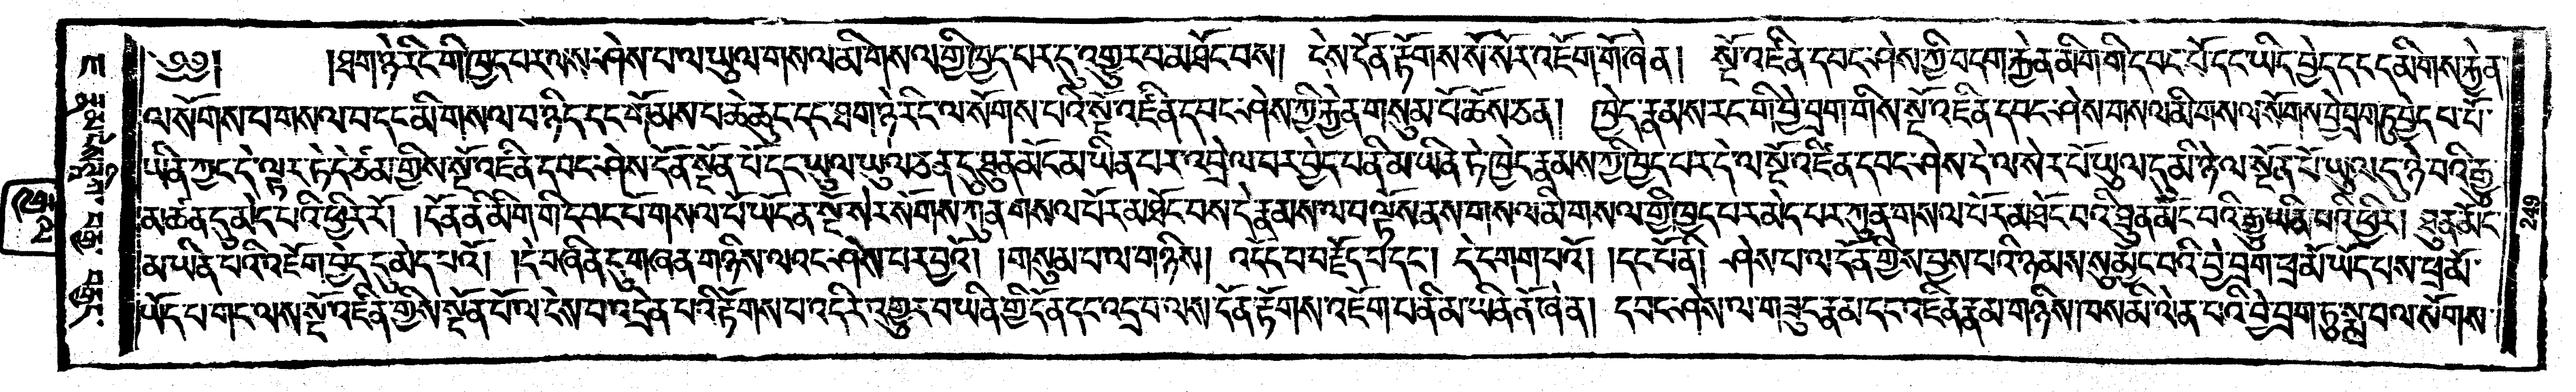༄༅། །ཐག་ཉེ་རིང་གི་ཁྱད་པར་ལས་ཤེས་པ་ལ་ཡུལ་གསལ་མི་གསལ་གྱི་ཁྱད་པར་དུ་འགྱུར་བ་མཐོང་བས། དེས་དོན་རྟོགས་སོ་སོར་འཇོག་གོ་ཞེ་ན། སྔོ་འཛིན་དབང་ཤེས་ཀྱི་བདག་རྐྱེན་མིག་གི་དབང་པོ་དང་ཡིད་བྱེད་དང་དམིགས་རྐྱེན་
ལ་སོགས་པ་གསལ་བ་དང་མི་གསལ་བ་ཉིད་དང་གོམས་པ་ཆེ་ཆུང་དང་ཐག་ཉེ་རིང་ལ་སོགས་པའི་སྔོ་འཛིན་དབང་ཤེས་ཀྱི་རྐྱེན་གསུམ་པོ་ཆོས་ཅན། ཁྱེད་རྣམས་རང་གི་བྱེ་བྲག་གིས་སྔོ་འཛིན་དབང་ཤེས་གསལ་མི་གསལ་སོགས་བྱེ་བྲག་ཏུ་བྱེད་པ་པོ་
ཡིན་ཀྱང་དེ་ལྟར་ཏེ་དེ་ཙམ་གྱིས་སྔོ་འཛིན་དབང་ཤེས་དོན་སྔོན་པོ་དང་ཡུལ་ཡུལ་ཅན་དུ་ཐུན་མོང་མ་ཡིན་པར་འབྲེལ་བར་བྱེད་པ་ནི་མ་ཡིན་ཏེ་ཁྱེད་རྣམས་ཀྱི་ཁྱད་པར་དེ་ལ་སྔོ་འཛིན་དབང་ཤེས་དེ་ལ་སེར་པོ་ཡུལ་དུ་མི་ཉེ་ལ་སྔོན་པོ་ཡུལ་དུ་ཉེ་བའི་རྒྱུ་
མཚན་དུ་མེད་པའི་ཕྱིར་རོ། །དོན་ནི་མིག་གི་དབང་པོ་གསལ་པོ་ཡོད་ན་སྔོ་སེར་སོགས་ཀུན་གསལ་པོར་མཐོང་བས་དེ་རྣམས་ལ་བལྟོས་ནས་གསལ་མི་གསལ་གྱི་ཁྱད་པར་མེད་པར་ཀུན་གསལ་པོར་མཐོང་བའི་ཐུན་མོང་བའི་རྒྱུ་ཡིན་པའི་ཕྱིར། ཐུན་མོང་
མ་ཡིན་པའི་འཇོག་བྱེད་དུ་མེད་པའོ། །དེ་བཞིན་དུ་གཞན་གཉིས་ལའང་ཤེས་པར་བྱའོ། །གསུམ་པ་ལ་གཉིས། འདོད་པ་བརྗོད་པ་དང་། དེ་དགག་པའོ། །དང་པོ་ནི། ཤེས་པ་ལ་དོན་གྱིས་བྱས་པའི་ཉམས་སུ་མྱོང་བའི་བྱེ་བྲག་ཕྲ་མོ་ཡོད་པས་ཕྲ་མོ་
ཡོད་པ་གང་ལས་སྔོ་འཛིན་གྱིས་སྔོན་པོ་ལ་ངེས་པ་འདྲེན་པའི་རྟོགས་པ་འདིར་འགྱུར་བ་ཡིན་གྱི་དོན་དང་འདྲ་བ་ལས་དོན་རྟོགས་འཇོག་པ་ནི་མ་ཡིན་ནོ་ཞེ་ན། དབང་ཤེས་ལ་གཟུང་རྣམ་དང་འཛིན་རྣམ་གཉིས་ཁས་མི་ལེན་པའི་བྱེ་བྲག་ཏུ་སྨྲ་བ་ལ་སོགས་